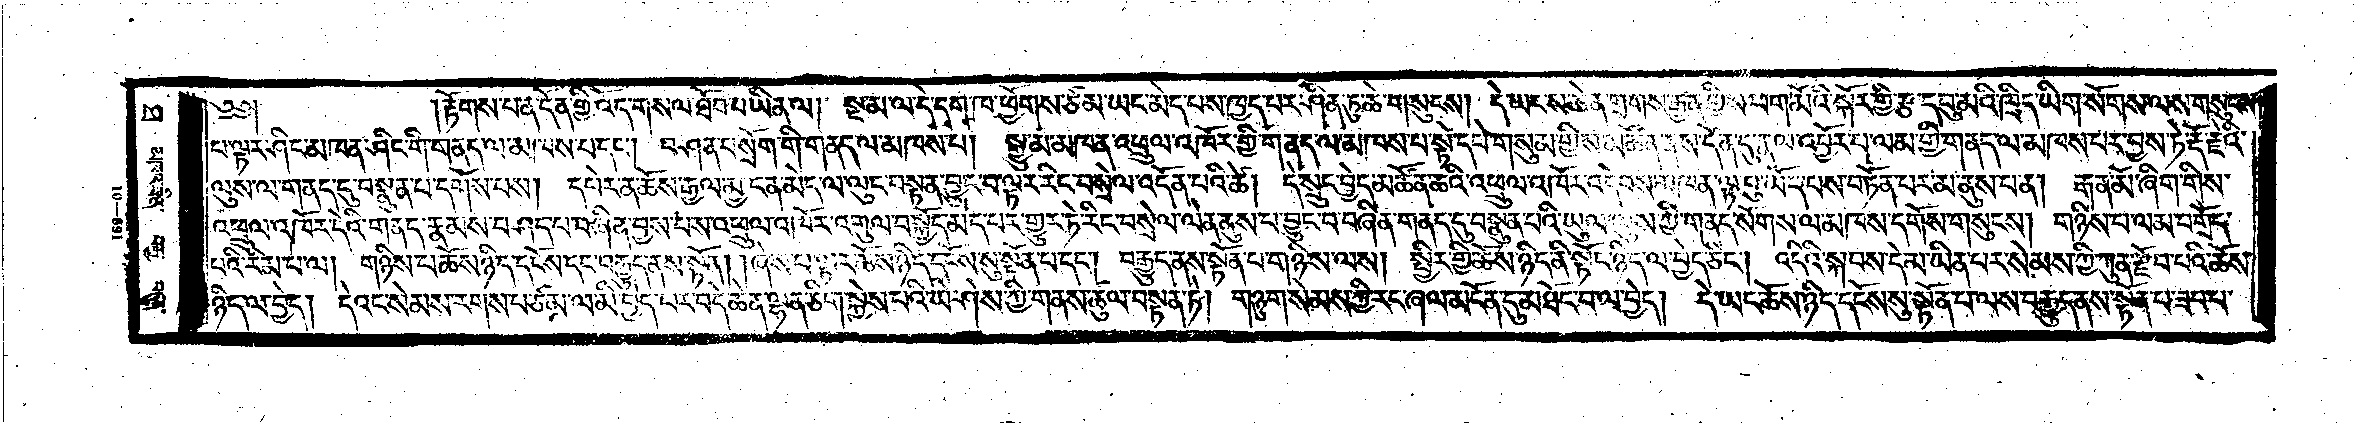༄༅། །རྟོགས་པ་ན་དོན་གྱི་འོད་གསལ་ཐོབ་པ་ཡིན་ལ། སྔ་མ་ལ་དེ་དག་ཁ་ཕྱོགས་ཙམ་ཡང་མེད་པས་ཁྱད་པར་ཤིན་ཏུ་ཆེ་གསུངས། དེ་ཡང་ས་ཆེན་གྲགས་རྒྱན་གྱིས་ཕག་མོའི་སྐོར་གྱི་རྩ་དབུ་མའི་ཁྲིད་ཡིག་སོགས་ལས་གསུངས་
པ་ལྟར་ཤིང་མཁན་ཤིང་གི་གནད་ལ་མཁས་པ་དང་། བཤན་པ་སྲོག་གི་གནད་ལ་མཁས་པ། སྒྱུ་མ་མཁན་འཕྲུལ་འཁོར་གྱི་གནད་ལ་མཁས་པ་སྟེ་དཔེ་གསུམ་གྱིས་མཚོན་ནས་དོན་དུ་རྣལ་འབྱོར་པ་ལམ་གྱི་གནད་ལ་མཁས་པར་བྱས་ཏེ་རྡོ་རྗེའི་
ལུས་ལ་གནད་དུ་བསྣུན་པ་དགོས་པས། དཔེར་ན་ཆོས་རྒྱལ་མྱ་ངན་མེད་ལ་ལུང་བསྟན་བྱུང་བ་ལྟར་རིང་བསྲེལ་འདོན་པའི་ཚེ། དེ་སྲུང་བྱེད་མཚོན་ཆའི་འཕྲུལ་འཁོར་འདེབས་མཁན་ལྟ་བུ་ཡོད་པས་བཏོན་པར་མ་ནུས་པ་ན། རྒན་མོ་ཞིག་གིས་
འཕྲུལ་འཁོར་དེའི་གནད་རྣམས་བཤད་པ་བཞིན་བྱས་པས་འཕྲུལ་འཁོར་འགུལ་བསྐྱོད་མེད་པར་གྱུར་ཏེ་རིང་བསྲེལ་ལེན་ནུས་པ་བྱུང་བ་བཞིན་གནད་དུ་བསྣུན་པའི་ཡུལ་ལུས་ཀྱི་གནད་སོགས་ལ་མཁས་དགོས་གསུངས། གཉིས་པ་ལམ་བགྲོད་
པའི་རིམ་པ་ལ། གཉིས་པ་ཆོས་ཉིད་དངོས་དང་བརྒྱུད་ནས་སྟོན། །ཞེས་པ་ལྟར་ཆོས་ཉིད་དངོས་སུ་སྟོན་པ་དང་། བརྒྱུད་ནས་སྟོན་པ་གཉིས་ལས། སྤྱིར་གྱི་ཆོས་ཉིད་ནི་སྟོང་ཉིད་ལ་བྱེད་ཅིང་། འདིའི་སྐབས་དེ་མ་ཡིན་པར་སེམས་ཀྱི་ཀུན་རྫོབ་པའི་ཆོས་
ཉིད་ལ་བྱེད། དེའང་སེམས་རགས་པ་ཙམ་ལ་མི་བྱེད་པར་བདེ་ཆེན་ལྷན་ཅིག་སྐྱེས་པའི་ཡེ་ཤེས་ཀྱི་གནས་ཚུལ་བསྟན་ཏེ། གཉུག་སེམས་ཀྱི་རང་ཞལ་མངོན་དུ་མཐོང་བ་ལ་བྱེད། དེ་ཡང་ཆོས་ཉིད་དངོས་སུ་སྟོན་པ་ལས་བརྒྱུད་ནས་སྟོན་པ་ཟབ་པ་